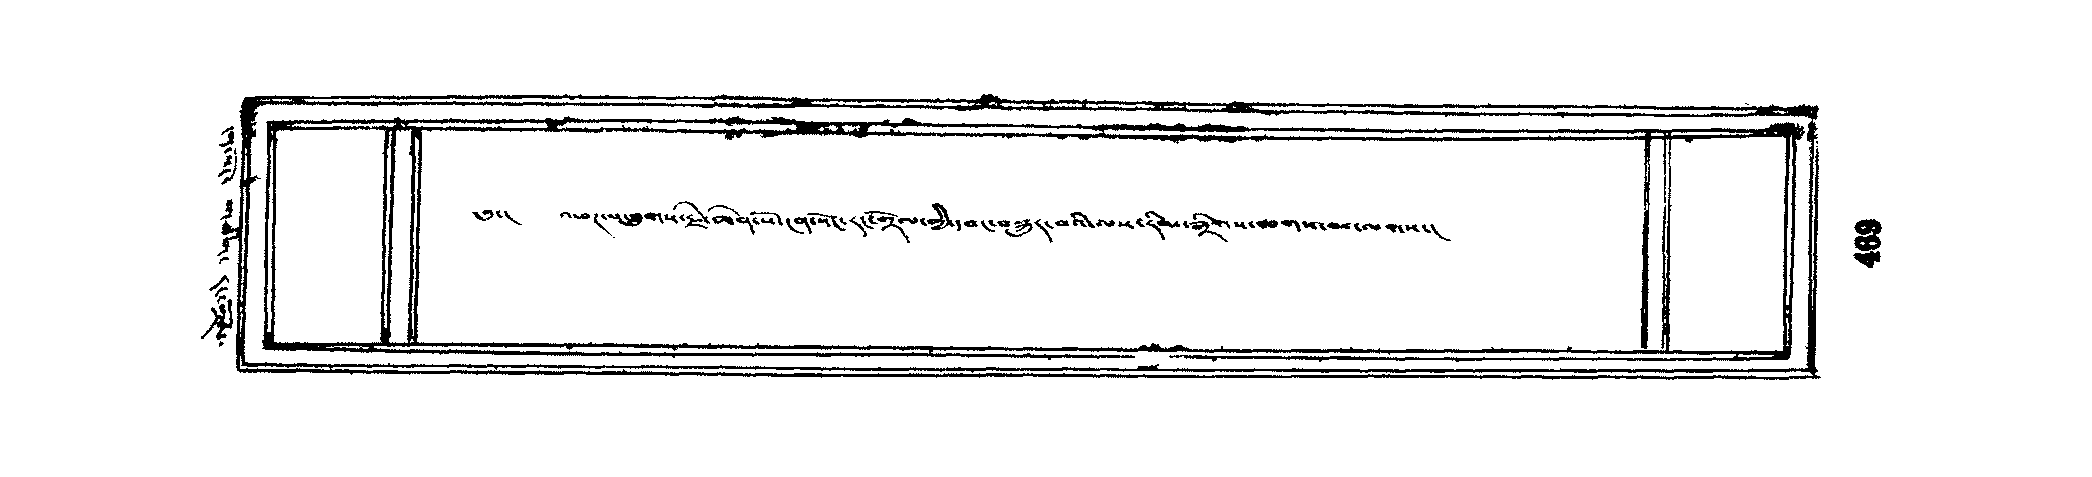འཕགས་པ་ཐུགས་རྗེ་ཆེན་པོ་ངན་སོང་རང་གྲོལ་གྱི་དབང་བསྐུར་བའི་ལས་རིམ་སྒྲིགས་ཆགས་ལགས།